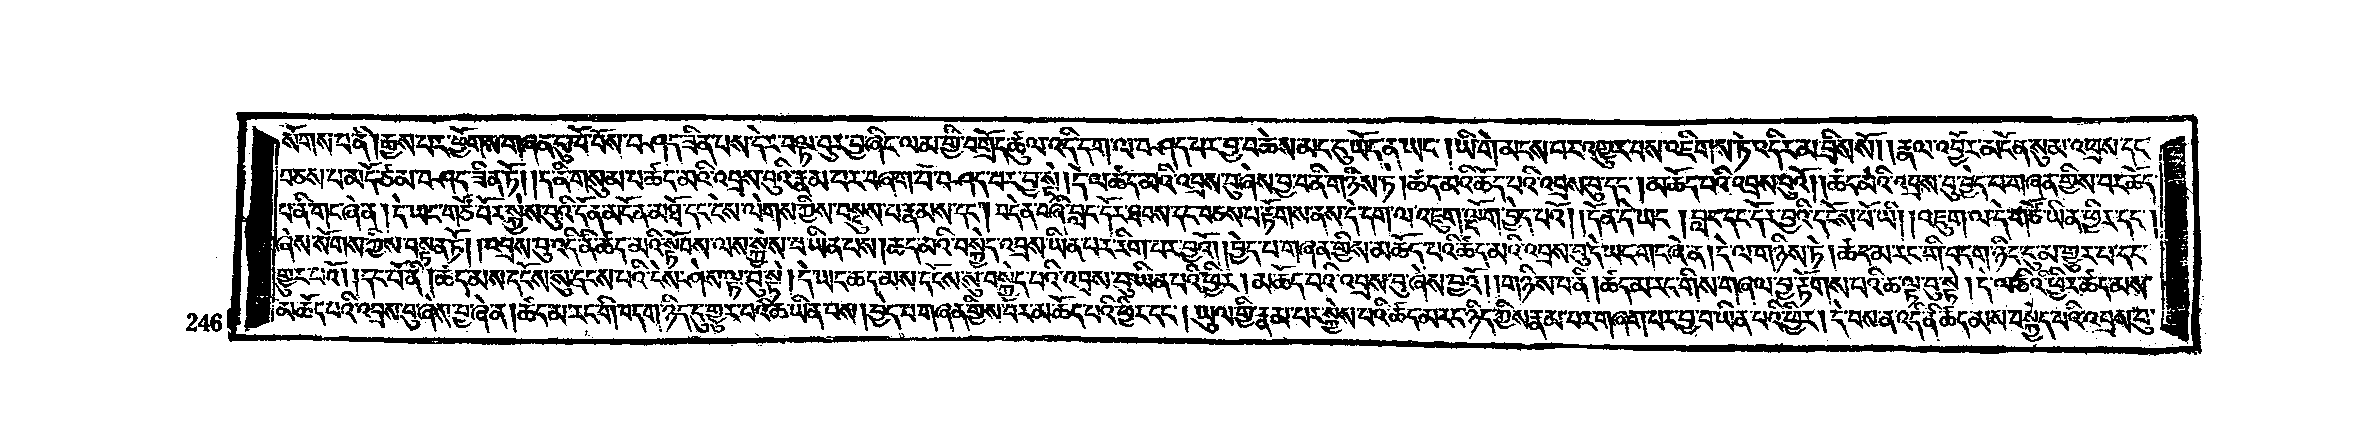སོགས་པ་ནི། རྒྱས་པར་ཕྱོགས་གཞན་དུ་ཁོ་བོས་བཤད་ཟིན་པས་དེར་བལྟ་བར་བྱ་ཞིང་ལམ་གྱི་བགྲོད་ཚུལ་འདི་དག་ལ་བཤད་པར་བྱ་བ་ཆེས་མང་དུ་ཡོད་ན་ཡང་། ཡི་གེ་མངས་བར་འགྱུར་བས་འཇིགས་ཏེ་འདིར་མ་བྲིས་སོ། །རྣལ་འབྱོར་མངོན་སུམ་འཕྲོས་?་དང་
བཅས་པ་མདོ་ཙམ་བཤད་ཟིན་ཏོ། །ད་ནི་གསུམ་པ་ཚད་མའི་འབྲས་བུའི་རྣམ་པར་བཞག་པ་བཤད་པར་བྱ་སྟེ། དེ་ལ་ཚད་མའི་འབྲས་བུ་ཞེས་བྱ་བ་ནི་གཉིས་ཏེ། ཚད་མའི་ཆོད་པའི་འབྲས་བུ་དང་། མཆོད་པའི་འབྲས་བུའོ། །ཚད་མའི་འབྲས་བུ་བྱེད་པ་གཞན་གྱིས་བར་ཆོད་
པ་ནི་གང་ཞེ་ན། དེ་ཡང་གཙོ་བོར་སྐྱེས་བུའི་དོན་མངོན་མཐོ་དང་ངེས་ལེགས་ཀྱིས་བསྡུས་པ་རྣམས་དང་། བདེན་བཞི་བླང་དོར་ཐབས་དང་བཅས་པ་རྟོགས་ནས་དེ་དག་ལ་འཇུག་ལྡོག་བྱེད་པའོ། །དོན་དེ་ཡང་། བླང་དང་དོར་བྱའི་དངོས་པོ་ཡི། །འཇུག་ལ་དེ་གཙོ་ཡིན་ཕྱིར་དང་།
ཞེས་སོགས་ཀྱིས་བསྟན་ཏོ། །འབྲས་བུ་འདི་ནི་ཚད་མའི་སྟོབས་ལས་སྐྱེས་པ་ཡིན་པས། ཆད་མའི་བསྐྱེད་འབྲས་ཡིན་པར་རིག་པར་བྱའོ། །བྱེད་པ་གཞན་གྱིས་མཆོད་པའི་ཚད་མའི་འབྲས་བུ་དེ་ཡང་གང་ཞེ་ན། དེ་ལ་གཉིས་ཏེ། ཚད་མ་རང་གི་བདག་ཉིད་དུ་མ་གྱུར་པ་དང་
གྱུར་པའོ། །དང་པོ་ནི། ཚད་མས་དངོས་སུ་དྲངས་པའི་ངེས་ཤེས་ལྟ་བུ་སྟེ། དེ་ཡང་ཚད་མས་དངོས་སུ་བསྐྱེད་པའི་འབྲས་བུ་ཡིན་པའི་ཕྱིར། མ་ཆོད་པའི་འབྲས་བུ་ཞེས་བྱའོ། །གཉིས་པ་ནི། ཚད་མ་རང་གིས་གཞལ་བྱ་རྟོགས་པའི་ཆ་ལྟ་བུ་སྟེ། དེ་ལ་ཅིའི་ཕྱིར་ཚད་མས་
མཆོད་པའི་འབྲས་བུ་ཞེས་བྱ་ཞེ་ན། ཚད་མ་རང་གི་བདག་ཉིད་དུ་གྱུར་པའི་ཆ་ཡིན་པས། བྱེད་པ་གཞན་གྱིས་བར་མ་ཆོད་པའི་ཕྱིར་དང་། ཡུལ་གྱི་རྣམ་པར་སྐྱེས་པའི་ཚད་མ་རང་ཉིད་ཀྱིས་རྣམ་པར་གཞག་པར་བྱ་བ་ཡིན་པའི་ཕྱིར། དེ་བས་ན་འདི་ནི་ཚད་མས་བསྐྱེད་པའི་འབྲས་བུ་